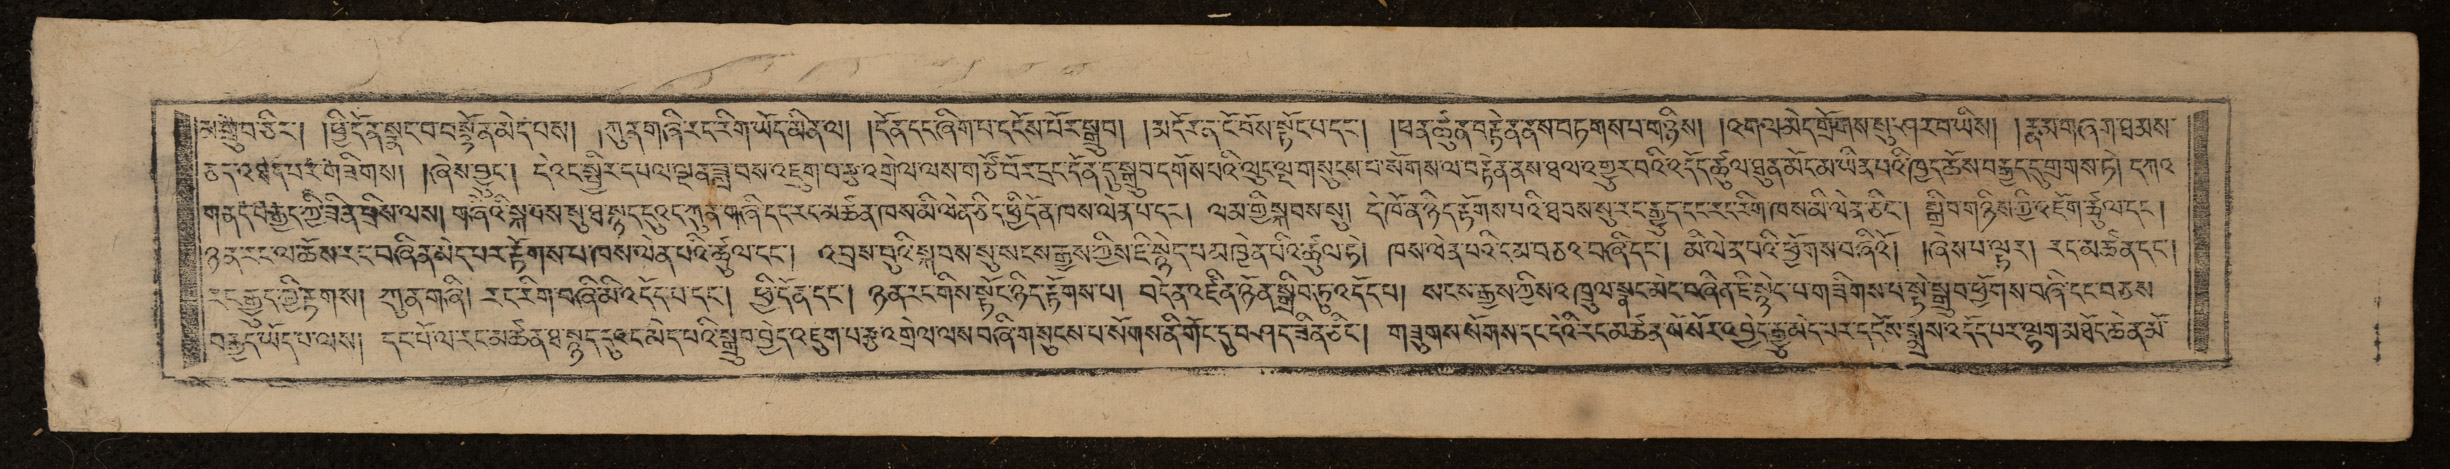མ་གྲུབ་ཅིང་། །ཕྱི་དོན་སྣང་བ་བསྙོན་མེད་པས། །ཀུན་གཞི་རང་རིག་ཡོད་མིན་ལ། །དོན་དང་ཞིག་བ་དངོས་པོར་སྒྲུབ། །མདོར་ན་ངོ་བོས་སྟོང་བ་དང་། །ཕན་ཚུན་བརྟེན་ནས་བཏགས་པ་གཉིས། །འགལ་མེད་གྲོགས་སུ་ཤར་བ་ཡིས། །རྣམ་གཞག་ཐམས་
ཅད་འཐད་པར་གཟིགས། །ཞེས་བྱུང་། དེའང་སྤྱིར་དཔལ་ལྡན་ཟླ་བས་འཇུག་པ་རྩ་འགྲེལ་ལས་གཙོ་བོར་དྲང་དོན་དུ་སྒྲུབ་དགོས་པའི་ལུང་ལྔ་གསུངས་པ་སོགས་ལ་བརྟེན་ནས་ཐལ་འགྱུར་བའི་འདོད་ཚུལ་ཐུན་མོང་མ་ཡིན་པའི་ཁྱད་ཆོས་བརྒྱད་དུ་གྲགས་ཏེ། དཀའ་
གནད་བརྒྱད་ཀྱི་ཟིན་བྲིས་ལས། གཞིའི་སྐབས་སུ་ཐ་སྙད་དུའང་ཀུན་གཞི་དང་རང་མཚན་ཁས་མི་ལེན་ཅིང་ཕྱི་དོན་ཁས་ལེན་པ་དང་། ལམ་གྱི་སྐབས་སུ། དེ་ཁོ་ན་ཉིད་རྟོགས་པའི་ཐབས་སུ་རང་རྒྱུད་དང་རང་རིག་ཁས་མི་ལེན་ཅིང་། སྒྲིབ་གཉིས་ཀྱི་འཇོག་ཚུལ་དང་།
ཉན་རང་ལ་ཆོས་རང་བཞིན་མེད་བར་རྟོགས་པ་ཁས་ལེན་པའི་ཚུལ་དང་། འབྲས་བུའི་སྐབས་སུ་སངས་རྒྱས་ཀྱིས་ཇི་སྙེད་པ་མཁྱེན་པའི་ཚུལ་ཏེ། ཁས་ལེན་པའི་དམ་བཅའ་བཞི་དང་། མི་ལེན་པའི་ཕྱོགས་བཞིའོ། །ཞེས་པ་ལྟར། རང་མཚན་དང་།
རང་རྒྱུད་ཀྱི་རྟགས། ཀུན་གཞི། རང་རིག་བཞི་མི་འདོད་པ་དང་། ཕྱི་དོན་དང་། ཉན་རང་གིས་སྟོང་ཉིད་རྟོགས་པ། བདེན་འཛིན་ཉོན་སྒྲིབ་ཏུ་འདོད་པ། སངས་རྒྱས་ཀྱིས་འཁྲུལ་སྣང་མེད་བཞིན་ཇི་སྙེད་བ་གཟིགས་པ་སྟེ་སྒྲུབ་ཕྱོགས་བཞི་དང་བཅས་
བརྒྱད་ཡོད་པ་ལས། དང་པོ་ལ་རང་མཚན་ཐ་སྙད་དུའང་མེད་པའི་སྒྲུབ་བྱེད་འཇུག་པ་རྩ་འགྲེལ་ལས་བཞི་གསུངས་པ་སོགས་ནི་གོང་དུ་བཤད་ཟིན་ཅིང་། གཟུགས་སོགས་དང་དེའི་རང་མཚན་སོ་སོར་འབྱེད་རྒྱུ་མེད་པར་དཔས་སྨྲས་འདོད་བར་ལྟག་མཐོང་ཆེན་མོ་